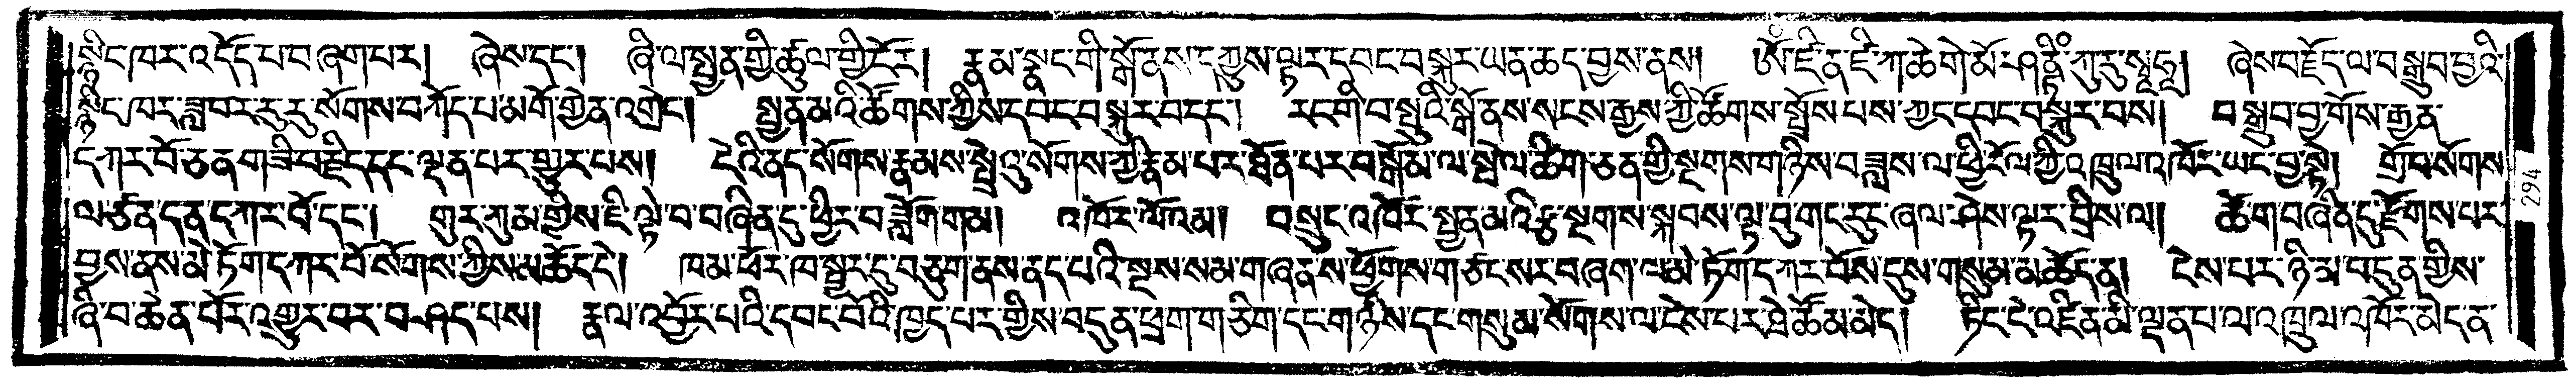སྙིང་ཁར་འདོད་པ་བཞག་པར། ཞེས་དང་། ཞི་ལ་སྤྱན་གྱི་ཚུལ་གྱི་ངོར། རྣམ་སྣང་གི་སྒོ་ནས་དཀྱུས་ལྟར་དབང་བསྐུར་ཡན་ཆད་བྱས་ནས། ཨོཾ་ཛི་ན་ཛི་ཀ་ཆེ་གེ་མོ་ཤནྟིཾ་ཀུ་རུ་སྭཱཧཱ། ཞེས་བརྗོད་ལ་བསྒྲུབ་བྱའི་
སྙིང་ཁར་ཟླ་བར་རུ་རུ་སོགས་བཀོད་པ་མགོ་གྱེན་འགྲེང་། སྤྱན་མའི་ཚོགས་ཀྱིས་དབང་བསྐུར་བ་དང་། རང་གི་བ་སྤུའི་སྒོ་ནས་སངས་རྒྱས་ཀྱི་ཚོགས་སྤྲོས་པས་ཀྱང་དབང་བསྐུར་བས། བསྒྲུབ་བྱ་གོས་རྒྱན་
དཀར་པོ་ཅན་གཟི་བརྗིད་དང་ལྡན་པར་གྱུར་པས། དེའི་ནད་སོགས་རྣམས་སྤྲེའུ་སོགས་ཀྱི་རྣམ་པར་ཐོན་པར་བསྒོམ་ལ་སྤེལ་ཚིག་ཅན་གྱི་སྔགས་གཉིས་བཟླས་ལ་ཕྱི་རོལ་ཀྱི་འཁྲུལ་འཁོར་ཡང་བྱ་སྟེ། གྲོ་བ་སོགས་
ལ་ཙན་དན་དཀར་པོ་དང་། གུར་ཀུམ་གྱིས་ཇི་ལྟེ་བ་བཞིན་དུ་ཕྱིར་བཟློག་གམ། འཁོར་ལོ་འམ། བསྲུང་འཁོར་སྤྱན་མའི་རྩ་སྔགས་སྐབས་ལྟ་བུ་གང་རུང་ཞལ་ཤེས་ལྟར་བྲིས་ལ། ཆོ་ག་བཞིན་དུ་རྫོགས་པར་
བྱས་ནས་མེ་ཏོག་དཀར་པོ་སོགས་ཀྱིས་མཆོད་དེ། ཁམ་ཕོར་ཁ་སྦྱར་དུ་བཅུག་ནས་ནད་པའི་སྔས་སམ་གཞན་ས་ཕྱོགས་གཙང་སར་བཞག་ལ་མེ་ཏོག་དཀར་པོས་དུས་གསུམ་མཆོད་ན། ངེས་པར་ཉི་མ་བདུན་གྱིས་
ཞི་བ་ཆེན་པོར་འགྱུར་བར་བཤད་པས། རྣལ་འབྱོར་པའི་དབང་པོའི་ཁྱད་པར་གྱིས་བདུན་ཕྲག་གཅིག་དང་གཉིས་དང་གསུམ་སོགས་ལ་ངེས་པར་ཐེ་ཚོམ་མེད། ཏིང་ངེ་འཛིན་མི་ལྡན་པ་ལ་འཁྲུལ་འཁོར་མེད་ན་